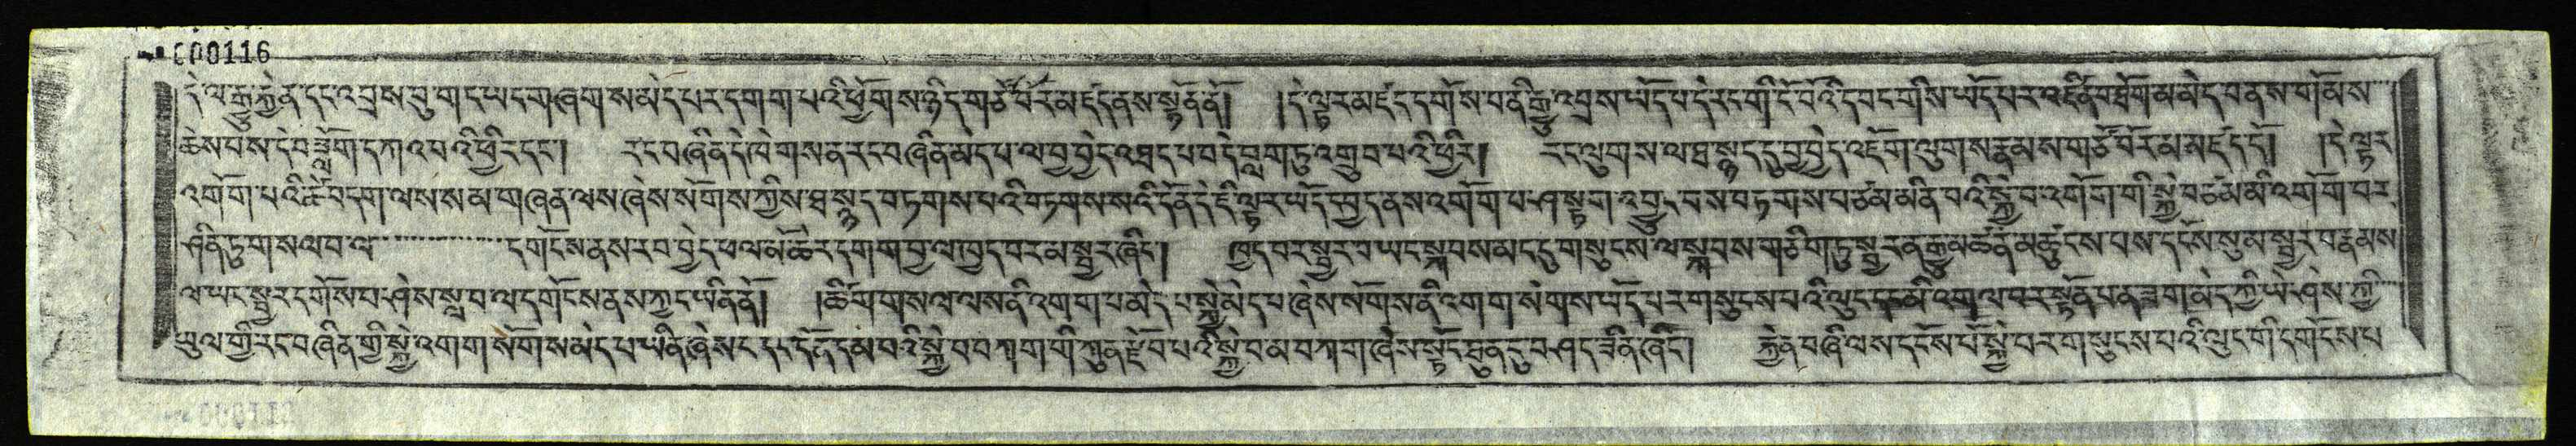དེ་ལ་རྒྱུ་རྐྱེན་དང་འབྲས་བུ་གང་ཡང་གཞག་ས་མེད་པར་དགག་པའི་ཕྱོགས་ཉིད་གཙོ་བོར་མཛད་ནས་སྟོན་ནོ། །དེ་ལྟར་མཛད་དགོས་པ་ནི་རྒྱུ་འབྲས་ཡོད་པ་དེ་རང་གི་ངོ་བོའི་དབང་གིས་ཡོད་པར་འཛིན་པ་ཐོག་མ་མེད་པ་ནས་གོམས་
ཆེས་པས་དེ་བཟློག་དཀའ་བའི་ཕྱིར་དང་། རང་བཞིན་དེ་ཁེགས་ན་རང་བཞིན་མེད་པ་ལ་བྱ་བྱེད་འཐད་པ་བདེ་བླག་ཏུ་འགྲུབ་པའི་ཕྱིར། རང་ལུགས་ལ་ཐ་སྙད་དུ་བྱ་བྱེད་འཇོག་ལུགས་རྣམས་གཙོ་བོར་མ་མཛད་དོ། །དེ་ལྟར་
འགོག་པའི་ཚེ་བདག་ལས་སམ་གཞན་ལས་ཞེས་སོགས་ཀྱིས་ཐ་སྙད་བཏགས་པའི་བཏགས་སའི་དོན་དེ་ཇི་ལྟར་ཡོད་དཔྱད་ནས་འགོག་པ་ཤ་སྟག་འབྱུང་བས་བཏགས་པ་ཙམ་མིན་པའི་སྐྱེ་བ་འགོག་གི་སྐྱེ་བ་ཙམ་མི་འགོག་པར་
ཤིན་ཏུ་གསལ་བ་ལ་དགོངས་ནས་རབ་བྱེད་ཕལ་མོ་ཆེར་དགག་བྱ་ལ་ཁྱད་པར་མ་སྦྱར་ཞིང་། ཁྱད་པར་སྦྱར་བ་ཡང་སྐབས་མང་དུ་གསུངས་ལ་སྐབས་གཅིག་ཏུ་སྦྱར་ན་རྒྱུ་མཚན་མཚུངས་པས་དངོས་སུ་མ་སྦྱར་བ་རྣམས་
ལ་ཡང་སྦྱར་དགོས་པ་ཤེས་སླ་བ་ལ་དགོངས་ནས་ཀྱང་ཡིན་ནོ། །ཚིག་གསལ་ལས་ནི་འགག་པ་མེད་པ་སྐྱེ་མེད་པ་ཞེས་སོགས་ནི་འགག་སོགས་ཡོད་པར་གསུངས་པའི་ལུང་དང་མི་འགལ་བར་སྟོན་པ་ན་ཟག་མེད་ཀྱི་ཡེ་ཤེས་ཀྱི་
ཡུལ་གྱི་རང་བཞིན་གྱི་སྐྱེ་འགག་སོགས་མེད་པ་ཡིན་ཞེས་པ་དང་དོན་དམ་པའི་སྐྱེ་བ་བཀག་གི་ཀུན་རྫོབ་པའི་སྐྱེ་བ་མ་བཀག་ཞེས་སྟོང་ཐུན་དུ་བཤད་ཟིན་ཞིང་། རྐྱེན་བཞི་ལས་དངོས་པོ་སྐྱེ་བར་གསུངས་པའི་ལུང་གི་དགོངས་པ་